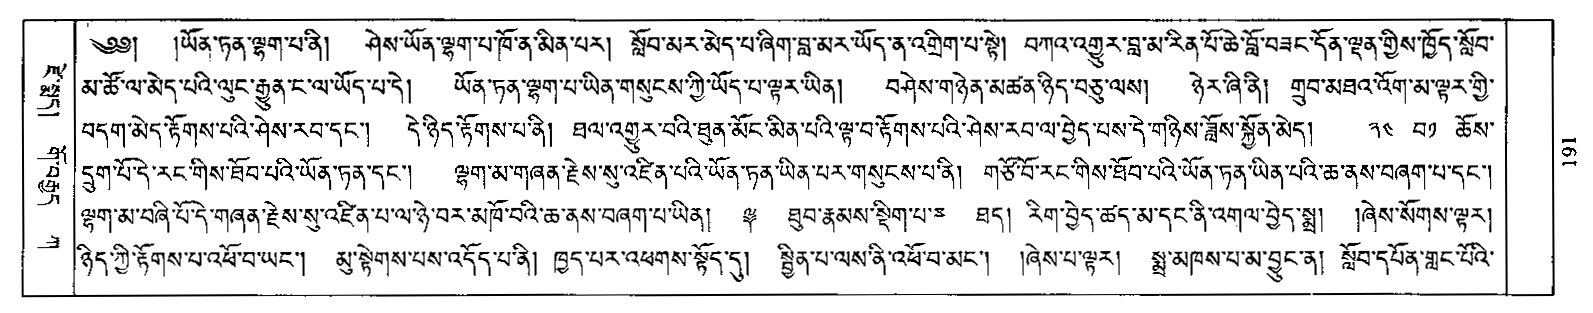༄༅། །ཡོན་ཏན་ལྷག་པ་ནི། ཤེས་ཡོན་ལྷག་པ་ཁོ་ན་མིན་པར། སློབ་མར་མེད་པ་ཞིག་བླ་མར་ཡོད་ན་འགྲིག་པ་སྟེ། བཀའ་འགྱུར་བླ་མ་རིན་པོ་ཆེ་བློ་བཟང་དོན་ལྡན་གྱིས་ཁྱོད་སློབ་
མ་ཚོ་ལ་མེད་པའི་ལུང་རྒྱུན་ང་ལ་ཡོད་པ་དེ། ཡོན་ཏན་ལྷག་པ་ཡིན་གསུངས་ཀྱི་ཡོད་པ་ལྟར་ཡིན། བཤེས་གཉེན་མཚན་ཉིད་བཅུ་ལས། ཉེར་ཞི་ནི། གྲུབ་མཐའ་འོག་མ་ལྟར་གྱི་
བདག་མེད་རྟོགས་པའི་ཤེས་རབ་དང་། དེ་ཉིད་རྟོགས་པ་ནི། ཐལ་འགྱུར་བའི་ཐུན་མོང་མིན་པའི་ལྟ་བ་རྟོགས་པའི་ཤེས་རབ་ལ་བྱེད་པས་དེ་གཉིས་ཟློས་སྐྱོན་མེད། ༢༤་བ ༡་ཆོས་
དྲུག་པོ་དེ་རང་གིས་ཐོབ་པའི་ཡོན་ཏན་དང་། ལྷག་མ་གཞན་རྗེས་སུ་འཛིན་པའི་ཡོན་ཏན་ཡིན་པར་གསུངས་པ་ནི། གཙོ་བོ་རང་གིས་ཐོབ་པའི་ཡོན་ཏན་ཡིན་པའི་ཆ་ནས་བཞག་པ་དང་།
ལྷག་མ་བཞི་པོ་དེ་གཞན་རྗེས་སུ་འཛིན་པ་ལ་ཉེ་བར་མཁོ་བའི་ཆ་ནས་བཞག་པ་ཡིན། ༈ ཐུབ་རྣམས་སྡིག་པ་ཐད། རིག་བྱེད་ཚད་མ་དང་ནི་འགལ་བྱེད་སྨྲ། །ཞེས་སོགས་ལྟར།
ཉིད་ཀྱི་རྟོགས་པ་འཕོ་བ་ཡང་། མུ་སྟེགས་པས་འདོད་པ་ནི། ཁྱད་པར་འཕགས་སྟོད་དུ། སྦྱིན་པ་ལས་ནི་འཕོ་བ་མང་། །ཞེས་པ་ལྟར། སྨྲ་མཁས་པ་མ་བྱུང་ན། སློབ་དཔོན་གླང་པོའི་